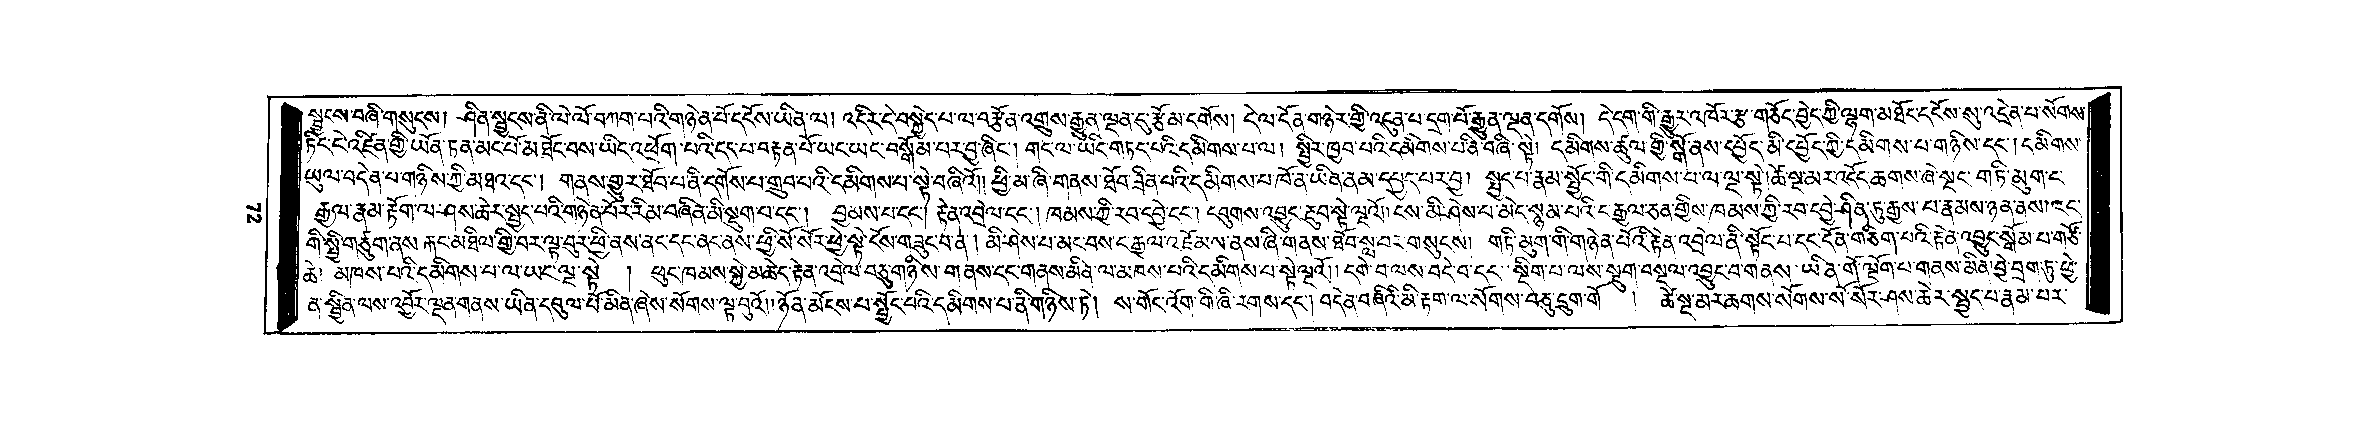སྦྱངས་བཞི་གསུངས། ཤིན་སྦྱངས་ནི་ལེ་ལོ་བཀག་པའི་གཉེན་པོ་དངོས་ཡིན་ལ། འདིར་དེ་བསྐྱེད་པ་ལ་བརྩོན་འགྲུས་རྒྱུན་ལྡན་དུ་རྩོམ་དགོས། དེ་ལ་དོན་གཉེར་གྱི་འདུན་པ་དྲག་པོ་རྒྱུན་ལྡན་དགོས། དེ་དག་གི་རྒྱུར་འཁོར་རྩ་གཅོད་བྱེད་ཀྱི་ལྷག་མཐོང་དངོས་སུ་འདྲེན་པ་སོགས་
ཏིང་ངེ་འཛིན་གྱི་ཡོན་ཏན་མང་པོ་མཐོང་བས་ཡིད་འཕྲོག་པའི་དད་པ་བརྟན་པོ་ཡང་ཡང་བསྒོམ་པར་བྱ་ཞིང་། གང་ལ་ཡིད་གཏད་པའི་དམིགས་པ་ལ། སྤྱིར་ཁྱབ་པའི་དམིགས་པ་ནི་བཞི་སྟེ། དམིགས་ཚུལ་གྱི་སྒོ་ནས་དཔྱོད་མི་དཔྱོད་ཀྱི་དམིགས་པ་གཉིས་དང་། དམིགས་
ཡུལ་བདེན་པ་གཉིས་ཀྱི་མཐའ་དང་། གནས་གྱུར་ཐོབ་པ་ནི་དགོས་པ་གྲུབ་པའི་དམིགས་པ་སྟེ་བཞིའོ། །ཕྱི་མ་ཞི་གནས་ཐོབ་ཟིན་པའི་དམིགས་པ་ཁོ་ན་ཡིན་ནམ་དཔྱད་པར་བྱ། སྤྱད་པ་རྣམ་སྦྱོང་གི་དམིགས་པ་ལ་ལྔ་སྟེ། ཚེ་སྔ་མར་འདོད་ཆགས་ཞེ་སྡང་གཏི་མུག་ང་
རྒྱལ་རྣམ་རྟོག་ལ་ཤས་ཆེར་སྤྱད་པའི་གཉེན་པོར་རིམ་བཞིན་མི་སྡུག་པ་དང་། བྱམས་པ་དང་། རྟེན་འབྲེལ་དང་། ཁམས་ཀྱི་རབ་དབྱེ་དང་། དབུགས་འབྱུང་རྡུབ་སྟེ་ལྔའོ། །ངས་མི་ཤེས་པ་མེད་སྙམ་པའི་ང་རྒྱལ་ཅན་གྱིས་ཁམས་ཀྱི་རབ་དབྱེ་ཤིན་ཏུ་རྒྱས་པ་རྣམས་ཉན་ནས། རང་
གི་སྤྱི་གཙུག་ནས་རྐང་མཐིལ་གྱི་བར་ལྟ་བུར་ཕྱི་ནས་ནང་དང་ནང་ནས་ཕྱི་སོ་སོར་ཕྱེ་སྟེ་ངོས་གཟུང་བ་ན། མི་ཤེས་པ་མང་བས་ང་རྒྱལ་འཇོམས་ནས་ཞི་གནས་ཐོབ་སླ་བར་གསུངས། གཏི་མུག་གི་གཉེན་པོའི་རྟེན་འབྲེལ་ནི་སྟོང་པ་དང་དོན་གཅིག་པའི་རྟེན་འབྱུང་སྒོམ་པ་གཙོ་
ཆེ། མཁས་པའི་དམིགས་པ་ལ་ཡང་ལྔ་སྟེ། ཕུང་ཁམས་སྐྱེ་མཆེད་རྟེན་འབྲེལ་བཅུ་གཉིས་གནས་དང་གནས་མིན་ལ་མཁས་པའི་དམིགས་པ་སྟེ་ལྔའོ། །དགེ་བ་ལས་བདེ་བ་དང་སྡིག་པ་ལས་སྡུག་བསྔལ་འབྱུང་བ་གནས་ཡིན་གོ་ལྡོག་པ་གནས་མིན། བྱེ་བྲག་ཏུ་ཕྱེ་
ན་སྦྱིན་ལས་འབྱོར་ལྡན་གནས་ཡིན་དབུལ་པོ་མིན་ཞེས་སོགས་ལྟ་བུའོ། །ཉོན་མོངས་པ་སྤྱོད་པའི་དམིགས་པ་ནི་གཉིས་ཏེ། ས་གོང་འོག་གི་ཞི་རགས་དང་། བདེན་བཞིའི་མི་རྟག་ལ་སོགས་བཅུ་དྲུག་གོ །ཚེ་སྔ་མར་ཆགས་སོགས་སོ་སོར་ཤས་ཆེར་སྤྱད་པ་རྣམ་པར་